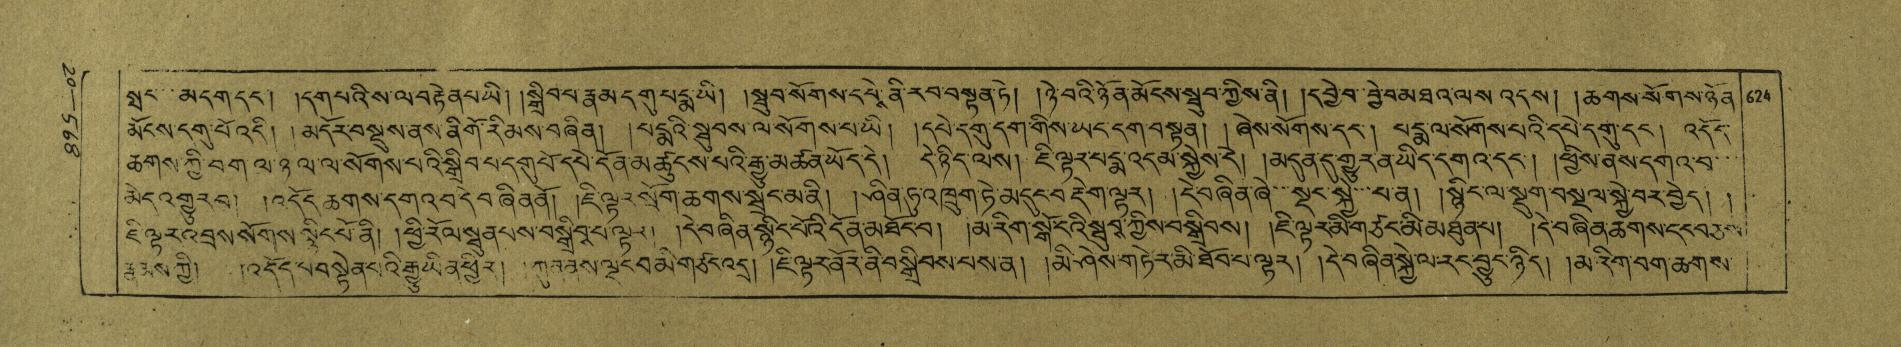སྤང་མ་དག་དང་། །དག་པའི་ས་ལ་བརྟེན་པ་ཡི། །སྒྲིབ་པ་རྣམ་དགུ་པདམ་ཡི། །སྦུབ་སོགས་དཔེས་ནི་རབ་བསྟན་ཏེ། །ཉེ་བའི་ཉོན་མོངས་སྦུབ་ཀྱིས་ནི། །དབྱེ་བ་བྱེ་བ་མཐའ་ལས་འདས། །ཆགས་སོགས་ཉོན་
མོངས་དགུ་པོ་འདི། །མདོར་བསྡུས་ནས་ནི་གོ་རིམས་བཞིན། །པདམའི་སྦུབས་ལ་སོགས་པ་ཡི། །དཔེ་དགུ་དག་གིས་ཡང་དག་བསྟན། །ཞེས་སོགས་དང་། པདམ་ལ་སོགས་པའི་དཔེ་དགུ་དང་། འདོད་
ཆགས་ཀྱི་བག་ལ་ཉལ་ལ་སོགས་པའི་སྒྲིབ་པ་དགུ་པོ་དཔེ་དོན་མཚུངས་པའི་རྒྱུ་མཚན་ཡོད་དེ། དེ་ཉིད་ལས། ཇི་ལྟར་པདམ་འདམ་སྐྱེས་དེ། །མདུན་དུ་གྱུར་ན་ཡིད་དགའ་དང་། །ཕྱིས་ནས་དགའ་བ་
མེད་འགྱུར་བ། །འདོད་ཆགས་དགའ་བ་དེ་བཞིན་ནོ། །ཇི་ལྟར་སྲོག་ཆགས་སྦྲང་མ་ནི། །ཤིན་ཏུ་འཁྲུག་ཏེ་མདུང་བརྡེག་ལྟར། །དེ་བཞིན་ཞེ་སྡང་སྐྱེ་པ་ན། །སྙིང་ལ་སྡུག་བསྔལ་སྐྱེ་བར་བྱེད། །
ཇི་ལྟར་འབྲས་སོགས་སྙིང་པོ་ནི། །ཕྱི་རོལ་སྤུན་པས་བསྒྲིབས་པ་ལྟར། །དེ་བཞིན་སྙིང་པོའི་དོན་མཐོང་བ། །མ་རིག་སྒོ་ངའི་སྦུབས་ཀྱིས་བསྒྲིབས། །ཇི་ལྟར་མི་གཙང་མི་མཐུན་པ། །དེ་བཞིན་ཆགས་དང་བཅས་
རྣམས་ཀྱི། །འདོད་པ་བསྟེན་པའི་རྒྱུ་ཡིན་ཕྱིར། །ཀུན་ནས་ལྡང་བ་མི་གཙང་འདྲ། །ཇི་ལྟར་ནོར་ནི་བསྒྲིབས་པས་ན། །མི་ཤེས་གཏེར་མི་ཐོབ་པ་ལྟར། །དེ་བཞིན་སྐྱེ་ལ་རང་བྱུང་ཉིད། །མ་རིག་བག་ཆགས་